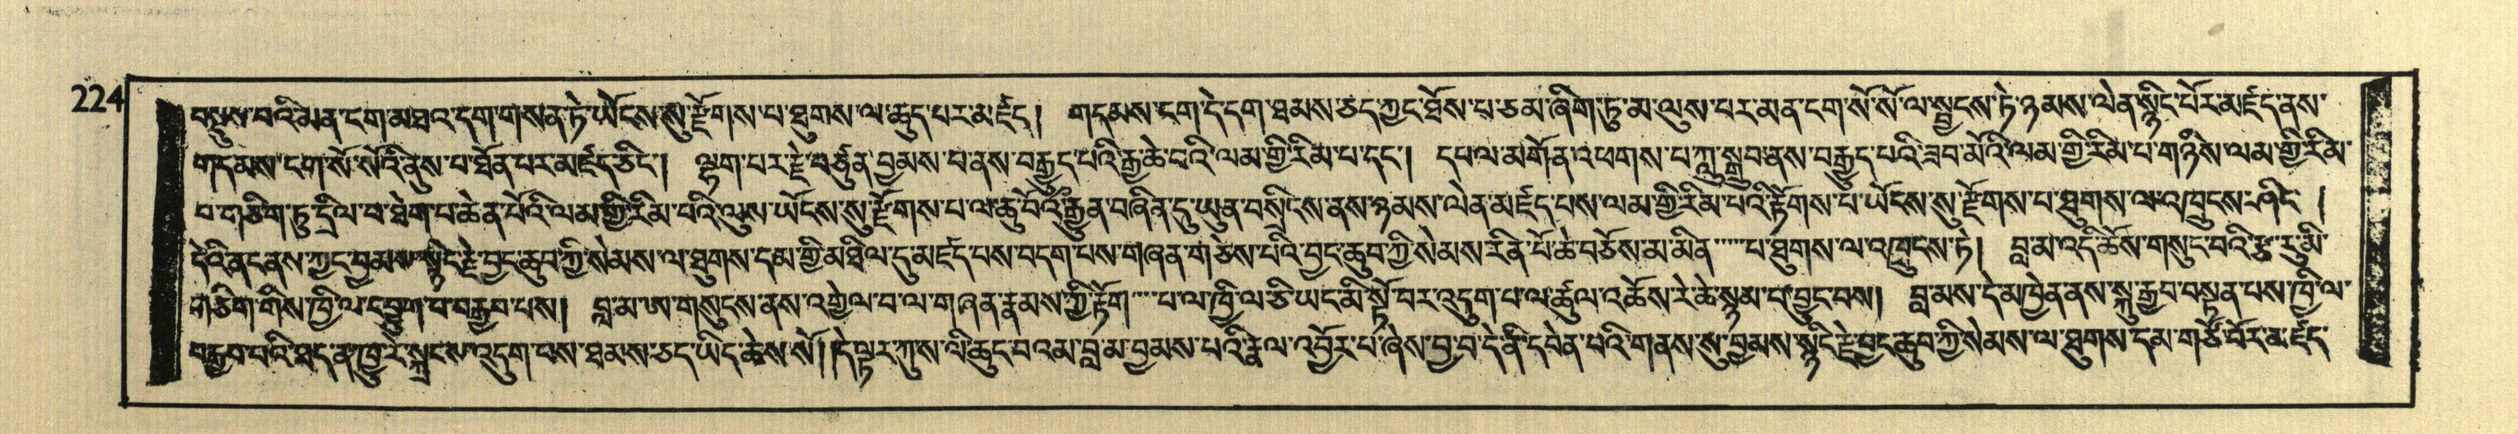བསྡུས་བའི་མན་ངག་མཐའ་དག་གསན་ཏེ་ཡོངས་སུ་རྫོགས་པ་ཐུགས་ལ་ཆུད་པར་མཛད། གདམས་ངག་དེ་དག་ཐམས་ཅད་ཀྱང་ཐོས་པ་ཙམ་ཞིག་ཏུ་མ་ལུས་པར་མན་ངག་སོ་སོ་ལ་སྦྱངས་ཏེ་ཉམས་ལེན་སྙིང་པོར་མཛད་ནས་
གདམས་ངག་སོ་སོའི་ནུས་པ་ཐོན་པར་མཛད་ཅིང་། ལྷག་པར་རྗེ་བཙུན་བྱམས་པ་ནས་བརྒྱུད་པའི་རྒྱ་ཆེ་བའི་ལམ་གྱི་རིམ་པ་དང་། དཔལ་མགོན་འཕགས་པ་ཀླུ་སྒྲུབ་ནས་བརྒྱུད་པའི་ཟབ་མོའི་ལམ་གྱི་རིམ་པ་གཉིས་ལམ་གྱི་རིམ་
པ་གཅིག་ཏུ་དྲིལ་བ་ཐེག་པ་ཆེན་པོའི་ལམ་གྱི་རིམ་པའི་ལུས་ཡོངས་སུ་རྫོགས་པ་ལ་ཆུ་བོའི་རྒྱུན་བཞིན་དུ་ཡུན་བསྲིངས་ནས་ཉམས་ལེན་མཛད་པས་ལམ་གྱི་རིམ་པའི་རྟོགས་པ་ཡོངས་སུ་རྫོགས་པ་ཐུགས་ལ་འཁྲུངས་ཤིང་།
དེའི་ནང་ནས་ཀྱང་བྱམས་སྙིང་རྗེ་བྱང་ཆུབ་ཀྱི་སེམས་ལ་ཐུགས་དམ་གྱི་མཐིལ་དུ་མཛད་པས་བདག་པས་གཞན་གཅེས་པའི་བྱང་ཆུབ་ཀྱི་སེམས་རིན་པོ་ཆེ་བཅོས་མ་མིན་པ་ཐུགས་ལ་འཁྲུངས་ཏེ། བླ་མ་འདི་ཆོས་གསུང་བའི་རྩ་རུ་མི་
གཅིག་གིས་ཁྱི་ལ་དབྱུག་པ་བརྒྱབ་པས། བླ་མ་ཨ་གསུངས་ནས་འགྱེལ་བ་ལ་གཞན་རྣམས་ཀྱི་རྟོག་པ་ལ་ཁྱི་ལ་ཅི་ཡང་མི་སྟོ་བར་འདུག་པ་ལ་ཚུལ་འཆོས་རེ་ཆེ་སྙམ་པ་བྱུང་བས། བླ་མས་དེ་མཁྱེན་ནས་སྐུ་རྒྱབ་བསྟན་པས་ཁྱི་ལ་
བརྒྱབ་བའི་ཐད་ན་ཁྱུ་རེ་སྐྲངས་འདུག་པས་ཐམས་ཅད་ཡིད་ཆེས་སོ། །དེ་ལྟར་ཀུ་ས་ལི་ཆུང་བའམ་བླ་མ་བྱམས་པའི་རྣལ་འབྱོར་པ་ཞེས་བྱ་བ་དེ་ནི་དབེན་པའི་གནས་སུ་བྱམས་སྙིང་རྗེ་བྱང་ཆུབ་ཀྱི་སེམས་ལ་ཐུགས་དམ་གཙོ་བོར་མཛད་